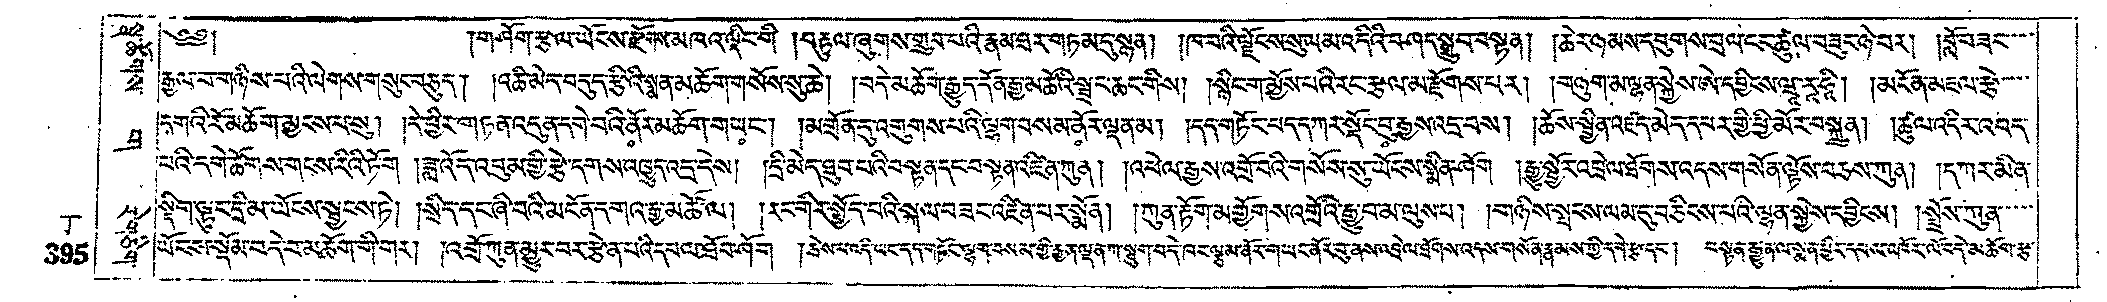༄༅། །གཤོག་རྩལ་ཡོངས་རྫོགས་མཁའ་ལྡིང་གི །བརྟུལ་ཞུགས་གྲུབ་པའི་རྣམ་ཐར་གཏམ་དུ་སྙན། །ཁ་བའི་ལྗོངས་སུ་ལམ་འདིའི་བཤད་སྒྲུབ་བསྟན། །ཆེར་ཉམས་དབུགས་བྲལ་ངང་ཚུལ་བཟུང་ཉེ་བར། །བློ་བཟང་་་
རྒྱལ་བ་གཉིས་པའི་ལེགས་གསུང་བཅུད། །འཆི་མེད་བདུད་རྩིའི་སྨན་མཆོག་གསོས་སུ་ཆེ། །བདེ་མཆོག་རྒྱུད་དོན་རྒྱ་མཚོའི་སྦྲང་ཆང་གིས། །སྙིང་ག་མྱོས་པའི་རང་རྩལ་མ་རྫོགས་པར། །གཉུག་མ་ལྷན་སྐྱེས་ཨེ་དབྱིངས་ཝཱ་རཱ་ཧཱི། །མངོན་མཇལ་རྩེ་་་
དགའི་རོ་མཆོག་མྱངས་པ་སུ། །དེ་ཕྱིར་གཏན་འདུན་དགེ་བའི་ནོར྾་མཆོག་གཡང྾། །མགྲོན་དུ་འགུགས་པའི་ལྷག་བསམ་ནོར྾་ལྡན་མ། །དད་གཏོང་པད་དཀར་སྡོང་བུ྾་རྒྱས་འདྲ་བས། །ཆོས་སྦྱིན་འཛད་མེད་དཔར་གྱི་ཕྱི་མོར་བསྐྲུན། །ཚུལ་འདིར་འབད་
པའི་དགེ་ཚོགས་གངས་རིའི་ཏོག །ཟླ་འོད་འབུམ་གྱི་རྩེ་དགས་འཁྱུད་འདྲ་དེས། །དྲི་མེད་ཐུབ་པའི་བསྟན་དང་བསྟན་འཛིན་ཀུན། །འཕེལ་རྒྱས་འགྲོ་བའི་གསོས་སུ་ཡོངས་སྨིན་ཤོག །རྒྱུ་སྦྱོར་འབྲེལ་ཐོགས་འདས་གསོན་ལྟོས་བཅས་ཀུན། །དཀར་མིན་
སྡིག་ལྟུང་དྲི་མ་ཡོངས་སྦྱངས་ཏེ། །སྲིད་དང་ཞི་བའི་མངོན་དགའ་རྒྱ་མཚོ་ལ། །རང་གིར་སྤྱོད་པའི་སྐལ་བཟང་འཛིན་པར་སྨོན། །ཀུན་རྟོག་མགྱོགས་འགྲོའི་རྒྱུ་བ་མ་ལུས་པ། །གཉིས་སྤངས་ལམ་དུ་བཅིངས་པའི་ལྷན་སྐྱེས་དབྱིངས། །སྤྲོས་ཀུན་་་
ཡོངས་སྡོམ་བདེ་བ་མཆོག་གི་གར། །འགྲོ་ཀུན་མྱུར་བར་རྩེན་པའི་དཔལ་ཐོབ་ཤོག །ཅེས་པ་འདི་ཡང་དད་གཏོང་ལྷག་བསམ་གྱི་རྒྱན་ལྡན་ཀ་སྦུག་བདེ་ཁང་ལྕམ་ནོར་གཡང་ནོར་བུ་ནས་འབྲེལ་ཐོགས་འདས་གསོན་རྣམས་ཀྱི་དགེ་རྩ་དང་། བསྟན་རྒྱུན་ལ་སྨན་ཕྱིར་དཔལ་འཁོར་ལོ་བདེ་མཆོག་རྩ་